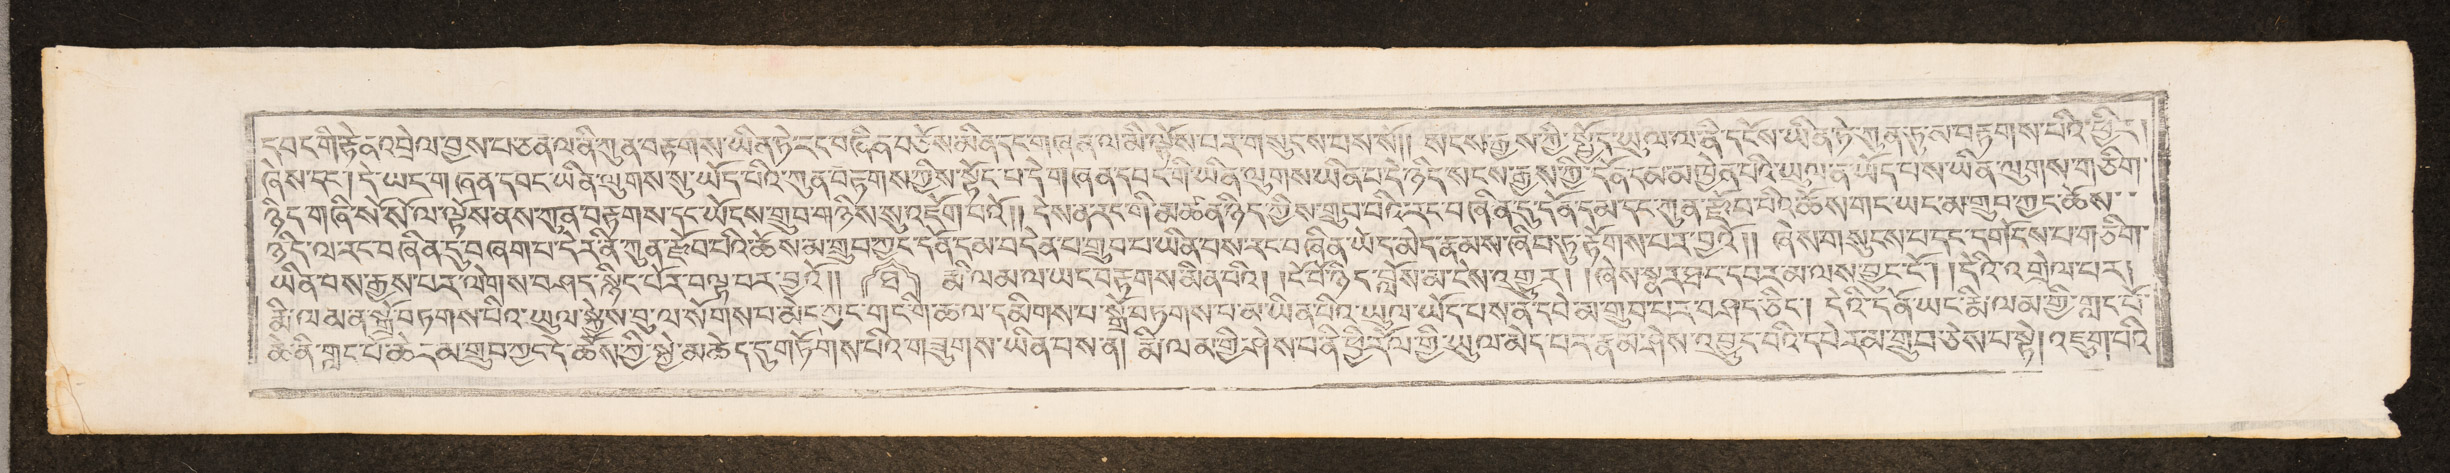དབང་གི་རྟེན་འབྲེལ་བྱས་པ་ཅན་ལ་ནི་ཀུན་བརྟགས་ཡིན་ཏེ་རང་བཞིན་བཅོས་མིན་དང་གཞན་ལ་མི་ལྟོས་པར་གསུངས་པས་སོ།། སངས་རྒྱས་ཀྱི་སྤྱོད་ཡུལ་ལ་ནི་དངོས་ཡིན་ཏེ་ཀུན་ཏུ་མ་བརྟགས་པའི་ཕྱིར།
ཞེས་དང་། དེ་ཡང་གཞན་དབང་ཡིན་ལུགས་སུ་ཡོད་པའི་ཀུན་བརྟགས་ཀྱིས་སྟོང་པ་དེ་གཞན་དབང་གི་ཡིན་ལུགས་ཡིན་པ་དེ་ཉིད་སངས་རྒྱས་རྒྱས་ཀྱི་དོན་དམ་མཁྱེན་པའི་ཡུལ་ན་ཡོད་པས་ཡིན་ལུགས་གཅིག་
ཉིད་གཞི་སོ་སོ་ལ་ལྟོས་ནས་ཀུན་བརྟགས་དང་ཡོངས་གྲུབ་གཉིས་སུ་འཇོག་པའོ།། དེས་ན་རང་གི་མཚན་ཉིད་ཀྱིས་གྲུབ་པའི་རང་བཞིན་དུ་དོན་དམ་དང་ཀུན་རྫོབ་པའི་ཆོས་གང་ཡང་མ་གྲུབ་ཀྱང་ཆོས་
ཉིད་ལ་རང་བཞིན་དུ་བཞག་པ་དེར་ནི་ཀུན་རྫོབ་པའི་ཆོས་མ་གྲུབ་ཀྱང་དོན་དམ་བདེན་པ་གྲུབ་པ་ཡིན་པས་རང་བཞིན་ཡོད་མེད་རྣམས་ཞིབ་ཏུ་རྟོགས་པར་བྱའོ།། ཞེས་གསུངས་པ་དང་དགོངས་པ་གཅིག་
ཡིན་པས་རྒྱས་པར་ལེགས་བཤད་སྙིང་པོར་བལྟ་པར་བྱའོ།། ༼༽ཐ༼༽ རྨི་ལམ་ལ་ཡང་བརྟགས་མིན་པའི། །ངོ་བོ་ཉིད་བློས་མ་ངེས་འགྱུར། །ཞེས་སྣར་ཐང་དཔར་མ་ལས་བྱུང་ངོ། །དེའི་འགྲེལ་པར།
རྨི་ལམ་ན་སྒྲོ་བཏགས་པའི་ཡུལ་སྐྱེས་བུ་ལ་སོགས་པ་མེད་ཀྱང་གང་གི་ཆ་ལ་དམིགས་པ་སྒྲོ་བཏགས་པ་མ་ཡིན་པའི་ཡུལ་ཡོད་པས་ན་དཔེ་མ་གྲུབ་པར་བཤད་ཅིང་། དེའི་དོན་ཡང་རྨི་ལམ་གྱི་གླང་པོ་
ཆེ་ནི་གླང་པོ་ཆེར་མ་གྲུབ་ཀྱང་དེ་ཆོས་ཀྱི་སྐྱེ་མཆེད་དུ་གཏོགས་པའི་གཟུགས་ཡིན་པས་ན། རྨི་ལམ་གྱི་ཤེས་པ་ནི་ཕྱི་རོལ་གྱི་ཡུལ་མེད་པར་རྣམ་ཤེས་འབྱུང་བའི་དཔེར་མ་གྲུབ་ཅེས་པ་སྟེ། འཇུག་པའི་